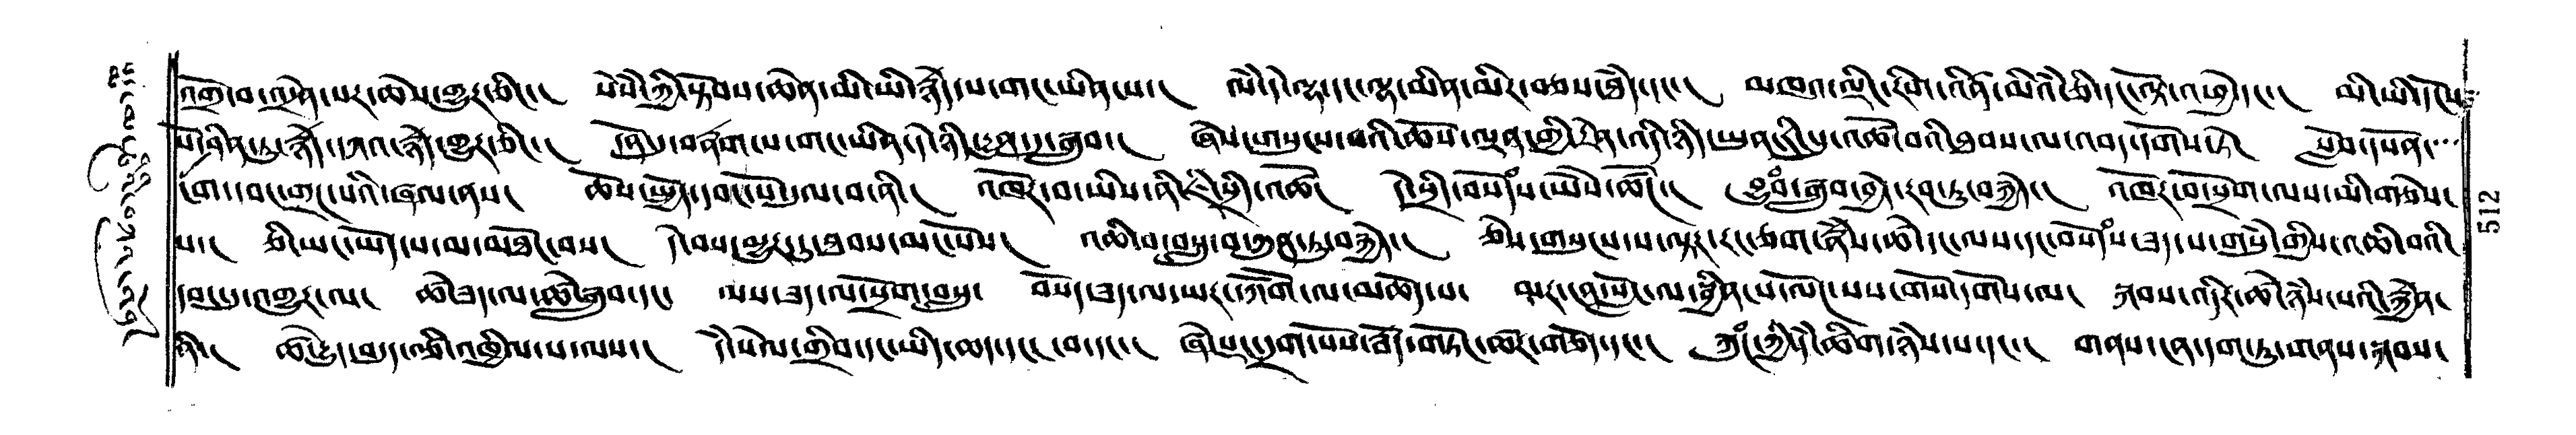འགྲོ་བ་འདྲེན་པར་ཆས་གྱུར་ཅིང་། །སེམས་ཀྱི་སྟོབས་ཆེན་མི་ཡི་རྙེད་པ་གང་ཡིན་པ། །ལམ་དེ་ལྷ་དང་ལྷ་མིན་མིར་བཅས་ཐམས་ཅད་དང་། །མཁའ་ལྡིང་རིག་འཛིན་མིའམ་ཅི་དང་ལྟོ་འཕྱེ་དང་། །མི་ཡི་དངོས་
པོ་ཤིན་ཏུ་རྙེད་དཀའ་རྙེད་གྱུར་ཅིང་། །དོན་དུ་བརྣག་པ་གང་ཡིན་དེ་ཉིད་རྒྱུན་དུ་སྒྲུབས། ཞེས་གསུངས་པའི་ཆོས་ལྡན་གྱི་རྟེན་འདི་ཉིད་ཡུན་རིང་དུ་འཚོ་བའི་ཐབས་ལ་འབད་དགོས་ཏེ། སློབ་དཔོན་
ངག་དབང་གྲགས་པའི་ཞལ་ནས། ཆོས་སྤྱོད་དབང་པོ་དུལ་བ་ནི། །འཁོར་བར་ཡིས་ནི་ཇི་སྲིད་འཚོ། །དེ་སྲིད་བསོད་ནམས་ཡེ་ཤེས་ཚོགས། །བྱང་ཆུབ་སྒྲུབ་བྱེད་རབ་ཏུ་བསྐྱེད། །འཁོར་བར་སྲོག་ལ་མི་གཅེས་
པ། །ཅི་ཡང་ཡོད་པ་མ་མཐོང་བས། །དེ་བས་མྱུར་དུ་ཐབས་མང་པོས། །འཆི་བ་བསླུ་བ་ཀུན་ཏུ་བསྐྱེད།ཅེས་གསུངས་པ་ལྟར་རང་ཅག་རྣམས་ཚེ་དང་ལས་དང་བསོད་ནམས་ཟད་པ་གསུམ་གྱིས་འཆི་བའི་
དབང་དུ་འགྱུར་ལ། ཚེ་ཟད་ལ་ཚེ་སྒྲུབ་དང་། ལས་ཟད་ལ་སྲོག་བསླུ། བསོད་ཟད་ལ་ཡར་དཀོན་མཆོག་ལ་མཆོད་པ། མར་ངན་སློང་ལ་སྦྱིན་པ་ལ་སོགས་པས་གསོ་དགོས་ལ། སྐབས་འདིར་ཚེ་ཉམས་པའི་རྐྱེན་
ནི། ཚེ་རྒྱུད་བདུད་རྩི་འཁྱིལ་པ་ལས། དམ་སེལ་གྲིབ་དང་ཡིད་ཆད་དང་བ་དང་། །ཞེ་སྡང་དྲག་པོས་རྦོད་གཏོང་ཚར་གཅོད་དང་། །སྐུ་གསུང་ཐུགས་ཀྱི་དམ་ཚིག་ཉམས་པ་དང་། །གནས་ངན་དག་ཏུ་གནས་སྐབས་